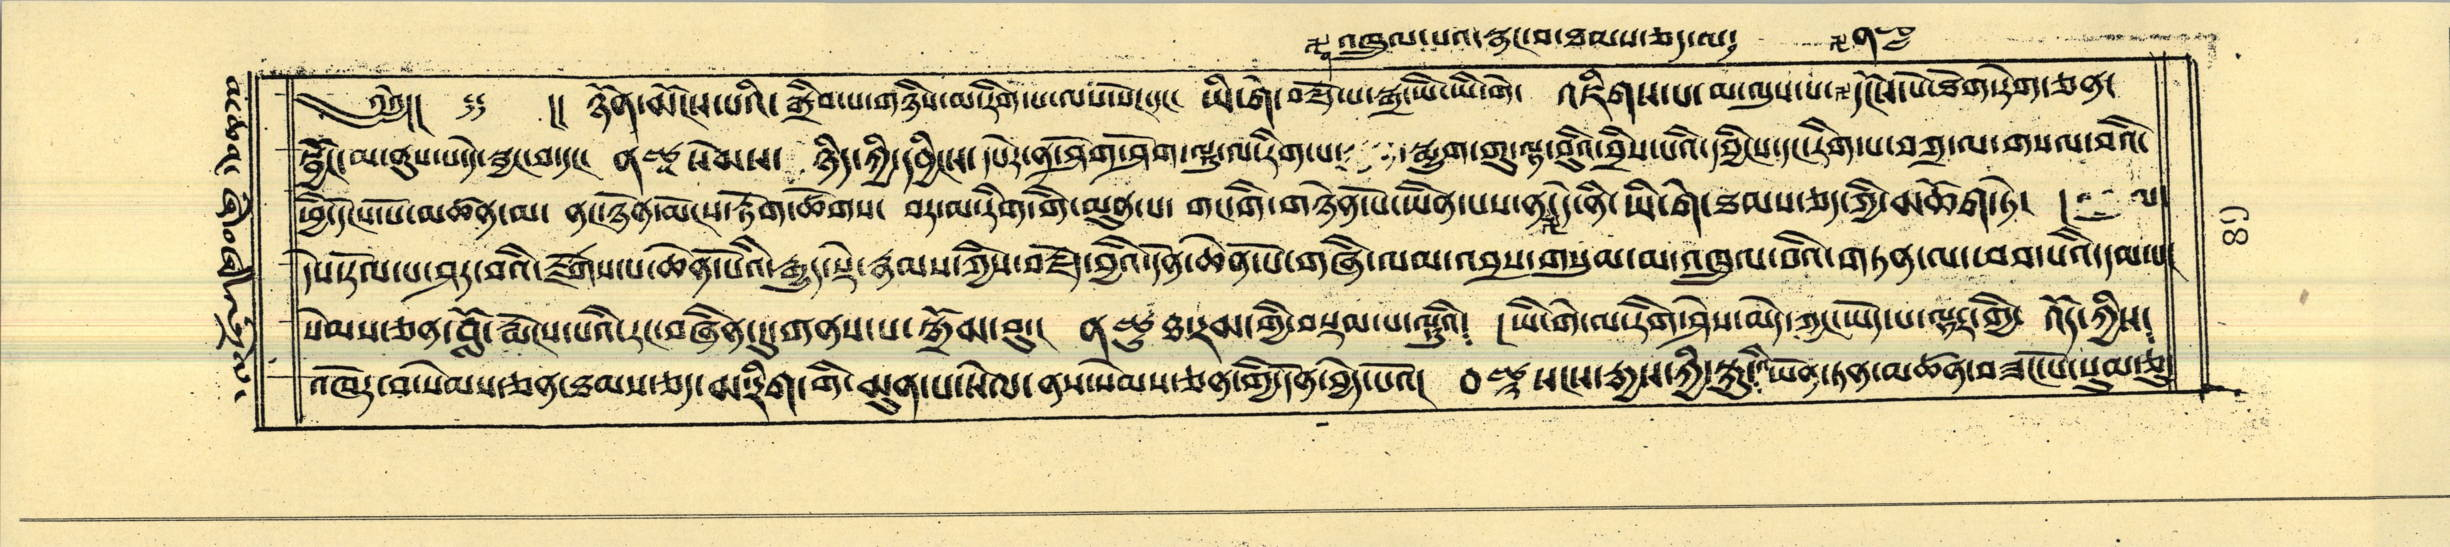ཉོན་མོངས་པའི་སྒྲིབ་པ་གཉིས་མ་རིག་པ་ལ་སོགས་དང་༼ཡི་གེ༽བརྗོད་པ་སྒྲ་ཡི་ཡི་གེ་༼འཇིག་མ་ལུས་པ༽ ན༤༦།༤༼དངོས་པོ༽ཐོག་རེག་ཅན་
སྦྱོང་མ་ནུས་པ་སྦྱང་བ་དང་ན༤༦།༥༼སེམས་ཉིད་ཀྱི་དབྱིངས༽དཔེར་ན་ཤོག་ཤོག་ལྟ་བུ་ལ་རིག་པ་སྨྱུ་གུ་ལྟ་བུའི་བྲིས་པའི་དབྱིངས་དང་རིག་པ་བཀྲ་ལ་གསལ་བའི་
ཕྱི་དངོས་པོ་མཚན་མ་ནང་ཉོན་མོངས་རྟོག་ཚོགས་བར་མ་རིག་གི་མུན་པ་གང་གི་གཉེན་པོ་ཡིན་པས་ན་འཁྲུལ་པའི་སྣང་བ་ཐམས་ཅད་དེ་ནི་༼ཡི་གེ༽ཐམས་ཅད་ཀྱི་༼མཆོག་ཏེ༽
དེས་རོལ་པ་ཤར་བའི་རྫོགས་པ་ཆེན་པོའི་རྒྱུད་སྡེ་རྣམས་ཀྱིས་བརྗོད་བྱའི་དོན་ཆེན་པོ་གཞི་ལམ་འབྲས་གསུམ་མ་འཁྲུལ་པའི་གཏན་ལ་ཕབ་པའི་དམ་པ་
སེམས་ཅན་༼བློ༽རྨོངས་པའི་རང་བཞིན་དུ་གནས་པ་༼སྒྲོམ༽བུ་ན༤༦།༦༼ཐ་རམ༽གྱིས་བསྡམས་པ་ལྟ་བུའི་ཡི་གེ་ལ་རིག་ཤེས་མེད་ཀྱང་ཡོད་པ་ལྟར་གྱི་༼འོད་ཀྱིས༽
འཁོར་བ་སེམས་ཅན་ཐམས་ཅད་༼མ་རིག༽གི་༼མུན་པ་སེལ༽ནས་སེམས་ཅན་གྱི་དོན་བྱེད་པའོ། བ༤༦།༢༼སངས་རྒྱས་ཀྱི་སྐུའི༽ཡོན་ཏན་མཚན་བཟང་པོ་སུམ་ཅུ་